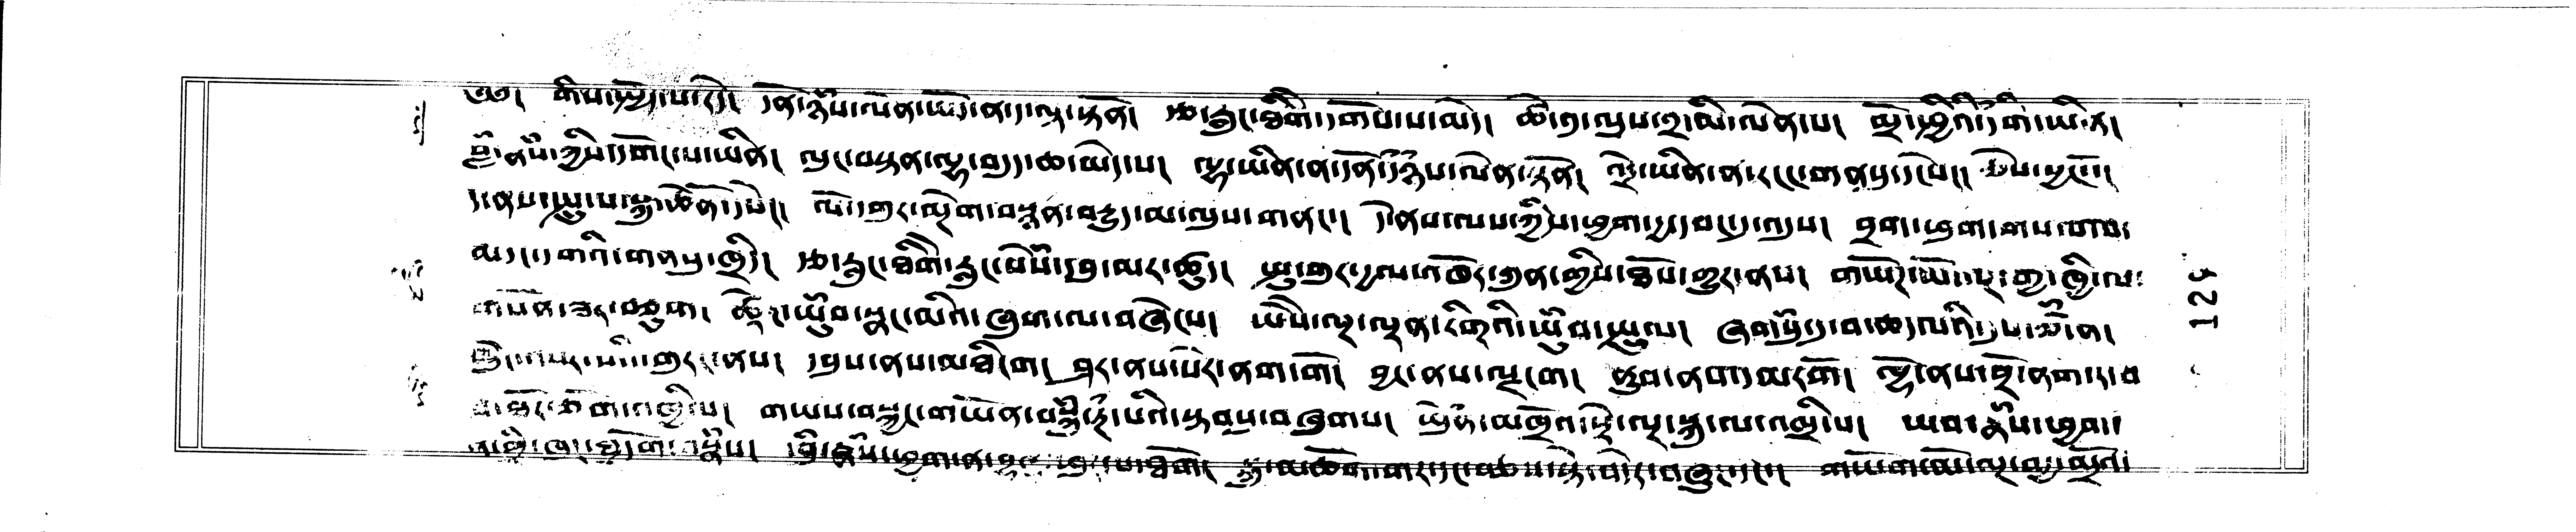གི་སྤྱོད་པ་རེད། དོན་ཉམས་ལེན་ཡོད་ན་ད་ལྟ་སྟོན། རྩ་རླུང་ཐིག་ལེ་དགོས་པ་མེད། ཚེ་གཅིག་ལུས་གཅིག་མི་ལེན་པ། མཁའ་འགྲོ་སྤྱིའི་དམ་ཚིག་ཡིན། 
བླ་མ་རྣམས་ཀྱི་དགོངས་པ་ཡིན། ལུང་བསྟན་ལྷ་བདུད་ཆ་མེད་པ། ལྷ་ཡིན་ན་དོན་དམ་ཉམས་ལེན་སྟོན། འདྲེ་ཡིན་ན་རང་རང་གནས་སུ་དེངས། ཅེས་གསུངས་སོ།
།དེ་ནས་སྤྲུལ་སྐུ་ཆེན་པོ་དེསམ། ལོ་དགུར་མན་ངག་སྙན་རྒྱུད་མ་ལུས་གནང་། དེ་ནས་ལས་ཀྱི་ཕྱག་རྒྱ་དབང་དུ་འདུས། བྲག་ཕུག་གསལ་བ་
མདོང་དགའི་གནས་སུ་ཁྲིད། རྩ་རླུང་ཐིག་ལེ་རླུང་སེམས་དབུ་མར་ཚུད། སྤུ་གུར་རྒྱལ་འཁོར་ཀུན་གྱིས་ཐོས་གྱུར་ནས། གཡོག་མོ་ལྔ་བརྒྱ་ཁྱི་ལ་
གསོན་ཟར་བཅུག ཚེ་དབང་ཡབ་ཡུམ་སྣང་མའི་ཞུགས་ལ་བཞེངས། ཡེ་ཤེས་ལྔ་ལྡན་རིགས་ལྔའི་ཡབ་ཡུམ་སྤྲུལ། ཞག་གསུམ་དུ་བ་ཆད་པའི་དུས་ཙམ་ན།
མེ་དཔུང་འབར་བའི་གུར་ཁང་ནས། དབུས་ནས་མཐིང་ནག་ཤར་ནས་སེར་ནག་གོ བྱང་ནས་ལྗང་ནག་ནུབ་ནས་དམར་ནག་གོ ལྷོ་ནས་སྔོ་ནག་རལ་
པ་ཐོར་ཅོག་འཁྱིལ། གཡས་བརྐྱང་གཡོན་བསྐུམས་རྔམ་པའི་སྟབས་སུ་བཞུགས། ཡུམ་ཆེན་མཁའ་འགྲོ་སྡེ་ལྔ་སྐུ་ལ་འཁྲིལ། ཡབ་རྣམས་ཕྱག་
ན་གྲི་ཁུག་ཐོད་ཁྲག་བསྣམས། ཡུམ་རྣམས་ཕྱག་ན་བྷན་དྷ་ཕུར་པ་ཐོགས། སྐུ་མཆོག་གར་དང་བཅས་ཏེ་བདེ་བཞུགས་དང་། གཡོག་མོ་ལྔ་བརྒྱ་མཁའ་འགྲོ་